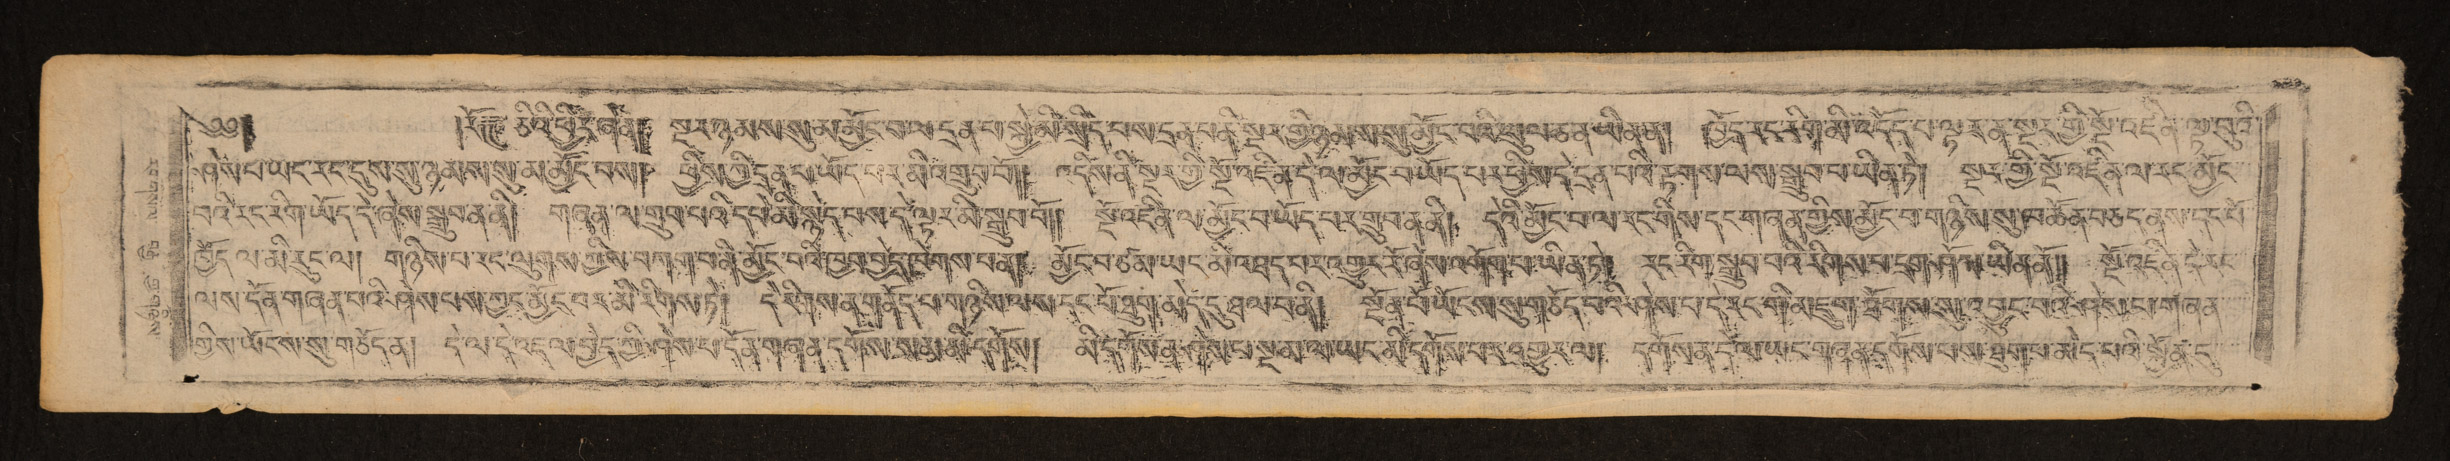༄༅། །རོ༑༑ ཅིའི་ཕྱིར་ཞེ་ན། སྔར་ཉམས་སུ་མ་མྱོང་བ་ལ་དྲན་པ་སྐྱེ་མི་སྲིད་པས་དྲན་པ་ནི་སྔར་གྱི་ཉམས་སུ་མྱོང་བའི་ཡུལ་ཅན་ཡིན་ན། ཁྱོད་རང་རིག་མི་འདོད་པ་ལྟར་ན་སྔར་གྱི་སྔོ་འཛིན་ལྟ་བུའི་
ཤེས་པ་ཡང་རང་དུས་སུ་ཉམས་སུ་མ་མྱོང་བས། ཕྱིས་ཀྱི་དྲན་པ་ཡོད་པར་མི་འགྲུབ་བོ།། འདིས་ནི་སྔར་གྱི་སྔོ་འཛིན་དེ་ལ་མྱོང་བ་ཡོད་པར་ཕྱིས་དེ་དྲན་པའི་རྟགས་ལས་སྒྲུབ་པ་ཡིན་ཏེ། སྔར་གྱི་སྔོ་འཛིན་ལ་རང་མྱོང་
བའི་རང་རིག་ཡོད་དེ་ཞེས་སྒྲུབ་ན་ནི། གཞན་ལ་གྲུབ་པའི་དཔེ་མི་སྙེད་པས་དེ་ལྟར་མི་སྒྲུབ་བོ།། སྔོ་འཛིན་ལ་མྱོང་བ་ཡོད་པར་གྲུབ་ན་ནི། དེའི་མྱོང་བ་ལ་རང་གིས་དང་གཞན་གྱིས་མྱོང་བ་གཉིས་སུ་ཁ་ཚོན་བཅད་ནས་དང་པོ་
ཁྱོད་ལ་མི་རུང་ལ། གཉིས་པ་རང་ལུགས་ཀྱིས་བཀག་པ་ནི་མྱོང་བའི་ཁྱབ་བྱེད་ཁེགས་པ་ན། མྱོང་བ་ཙམ་ཡང་མི་འཐད་པར་འགྱུར་རོ་ཞེས་འགོག་པ་ཡིན་ཏེ། རང་རིག་སྒྲུབ་པའི་རིགས་པ་དྲག་ཤོས་ཡིན་ནོ།། སྔོ་འཛིན་དེ་རང་
ལས་དོན་གཞན་པའི་ཤེས་པས་ཀྱང་མྱོང་བར་མི་རིགས་ཏེ། དེ་རིགས་ན་གནོད་པ་གཉིས་ལས་དང་པོ་ཐུག་མེད་དུ་ཐལ་བ་ནི། སྔོན་པོ་ཡོངས་སུ་གཅོད་པའི་ཤེས་པ་དེ་རང་གི་མཇུག་ཐོགས་སུ་འབྱུང་བའི་ཤེས་པ་གཞན་
གྱིས་ཡོངས་སུ་གཅོད་ན། དེ་ལ་དེ་འཇལ་བྱེད་ཀྱི་ཤེས་པ་དོན་གཞན་དགོས་སམ་མི་དགོས། མི་དགོས་ན་ཤེས་པ་སྔ་མ་ལ་ཡང་མི་དགོས་པར་འགྱུར་ལ། དགོས་ན་དེ་ལ་ཡང་གཞན་དགོས་པས་ཐུག་པ་མེད་པའི་སྐྱོན་དུ་